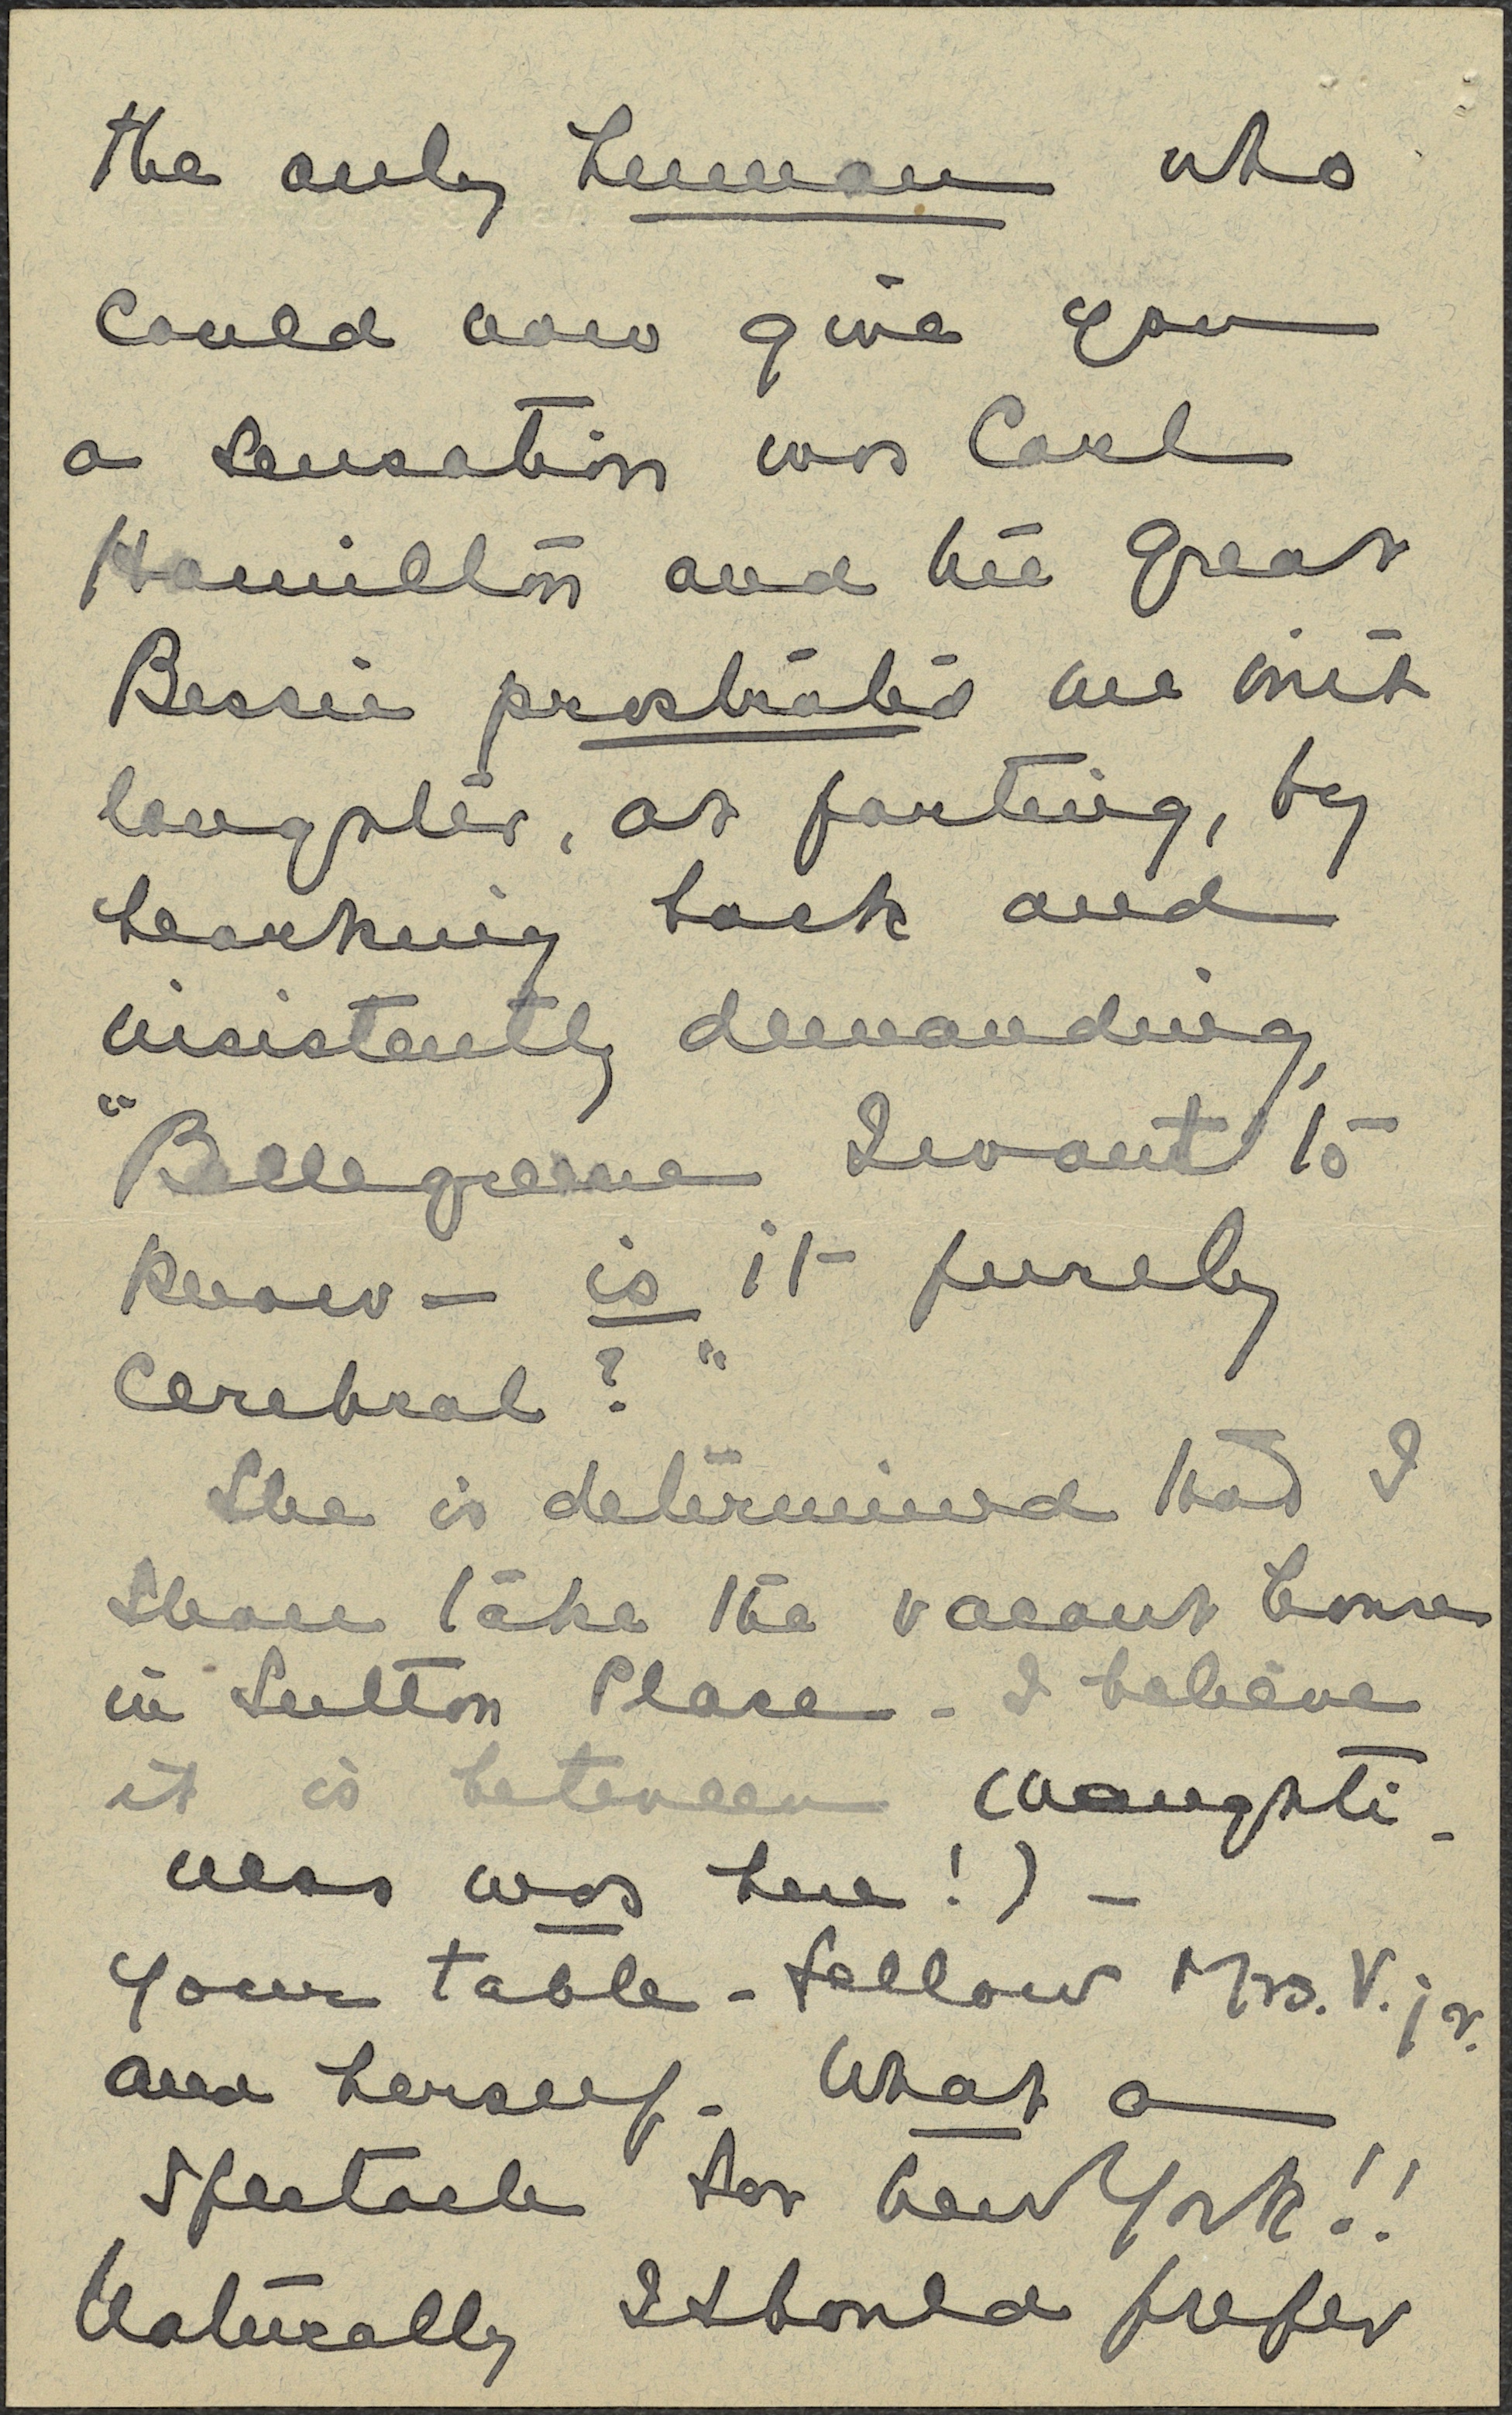the only human who could now give you a sensation was Carl Hamilton and the Great Bessie prostrated me with laughter, at parting, by barking back and insistently demanding, "Belle Greene I want to know – is it purely cerebral?"
She is determined that I shall take the vacant house in Sutton Place – I believe it is between (naughtiness was here) – your table-fellow Mrs. V. jr and herself – What a spectacle for New York!! Naturally I should prefer